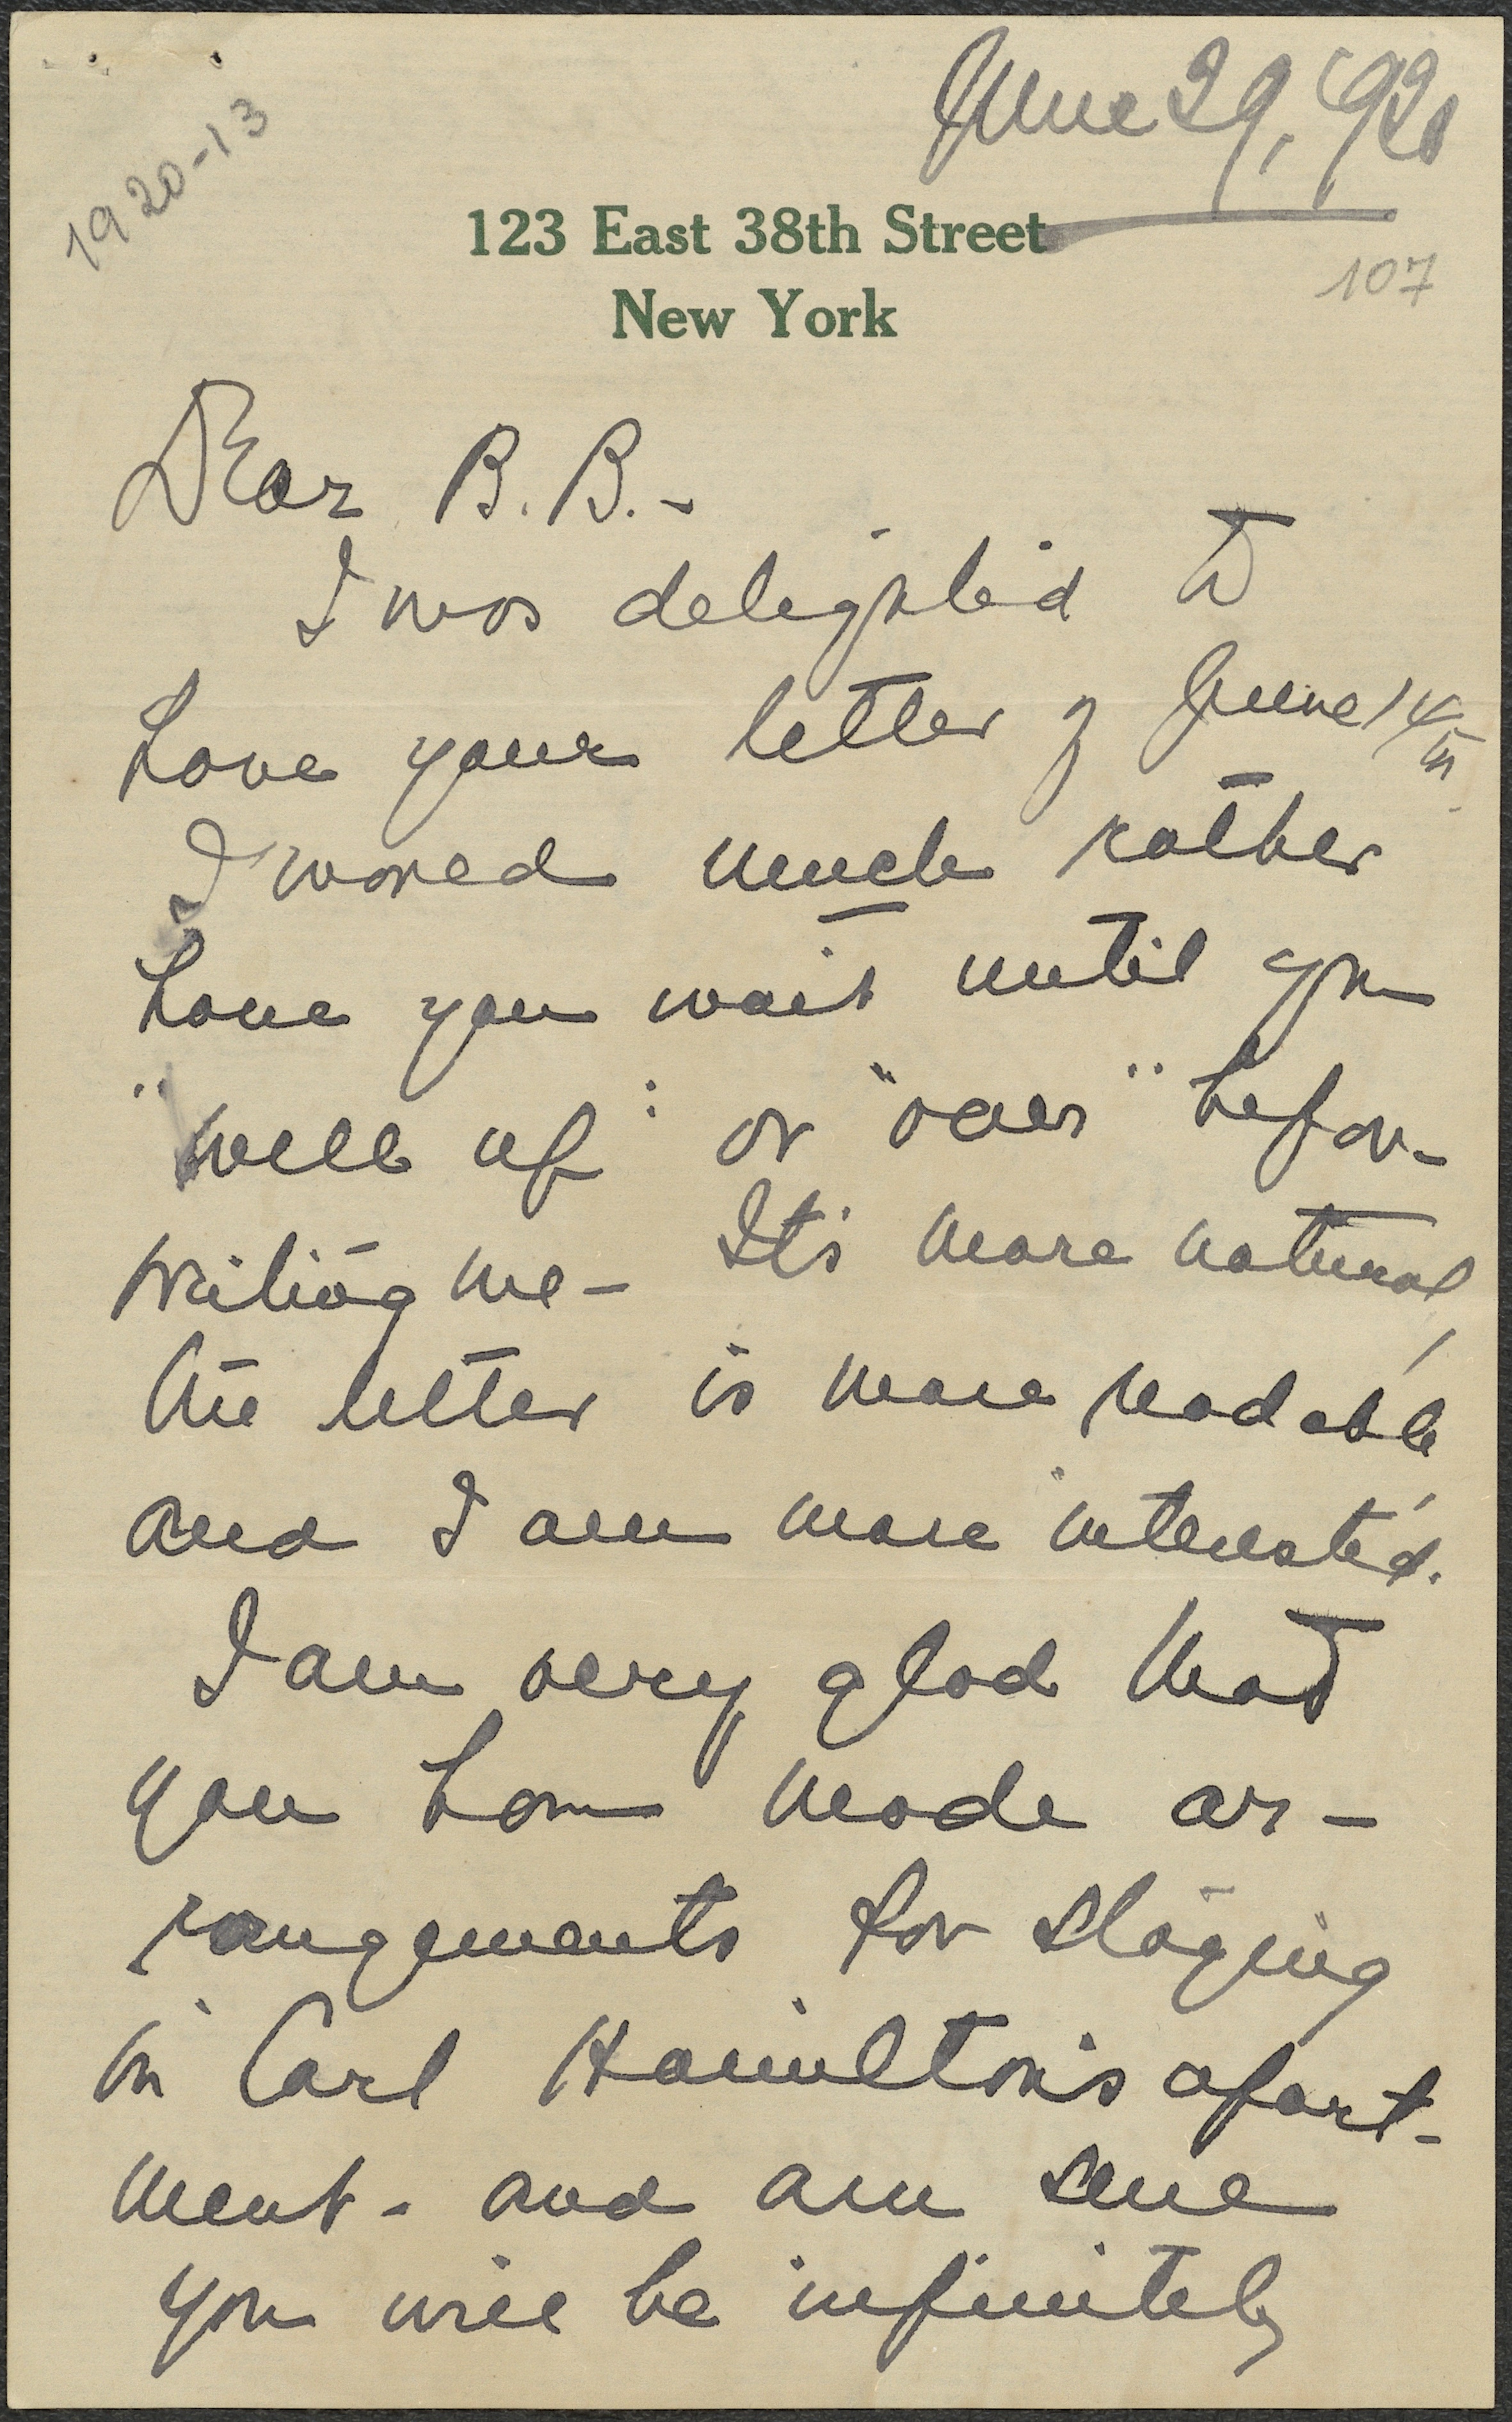June 29, 1920
Dear B.B. –
I was delighted to have your letter of June 14th. I would much rather have you wait until you “well up” or “over” before writing me – It’s more natural, the letter is more readable and I am more ‘interested.’
I am very glad that you have made arrangements for staying in Carl Hamilton's apartment – and am sure you will be infinitely